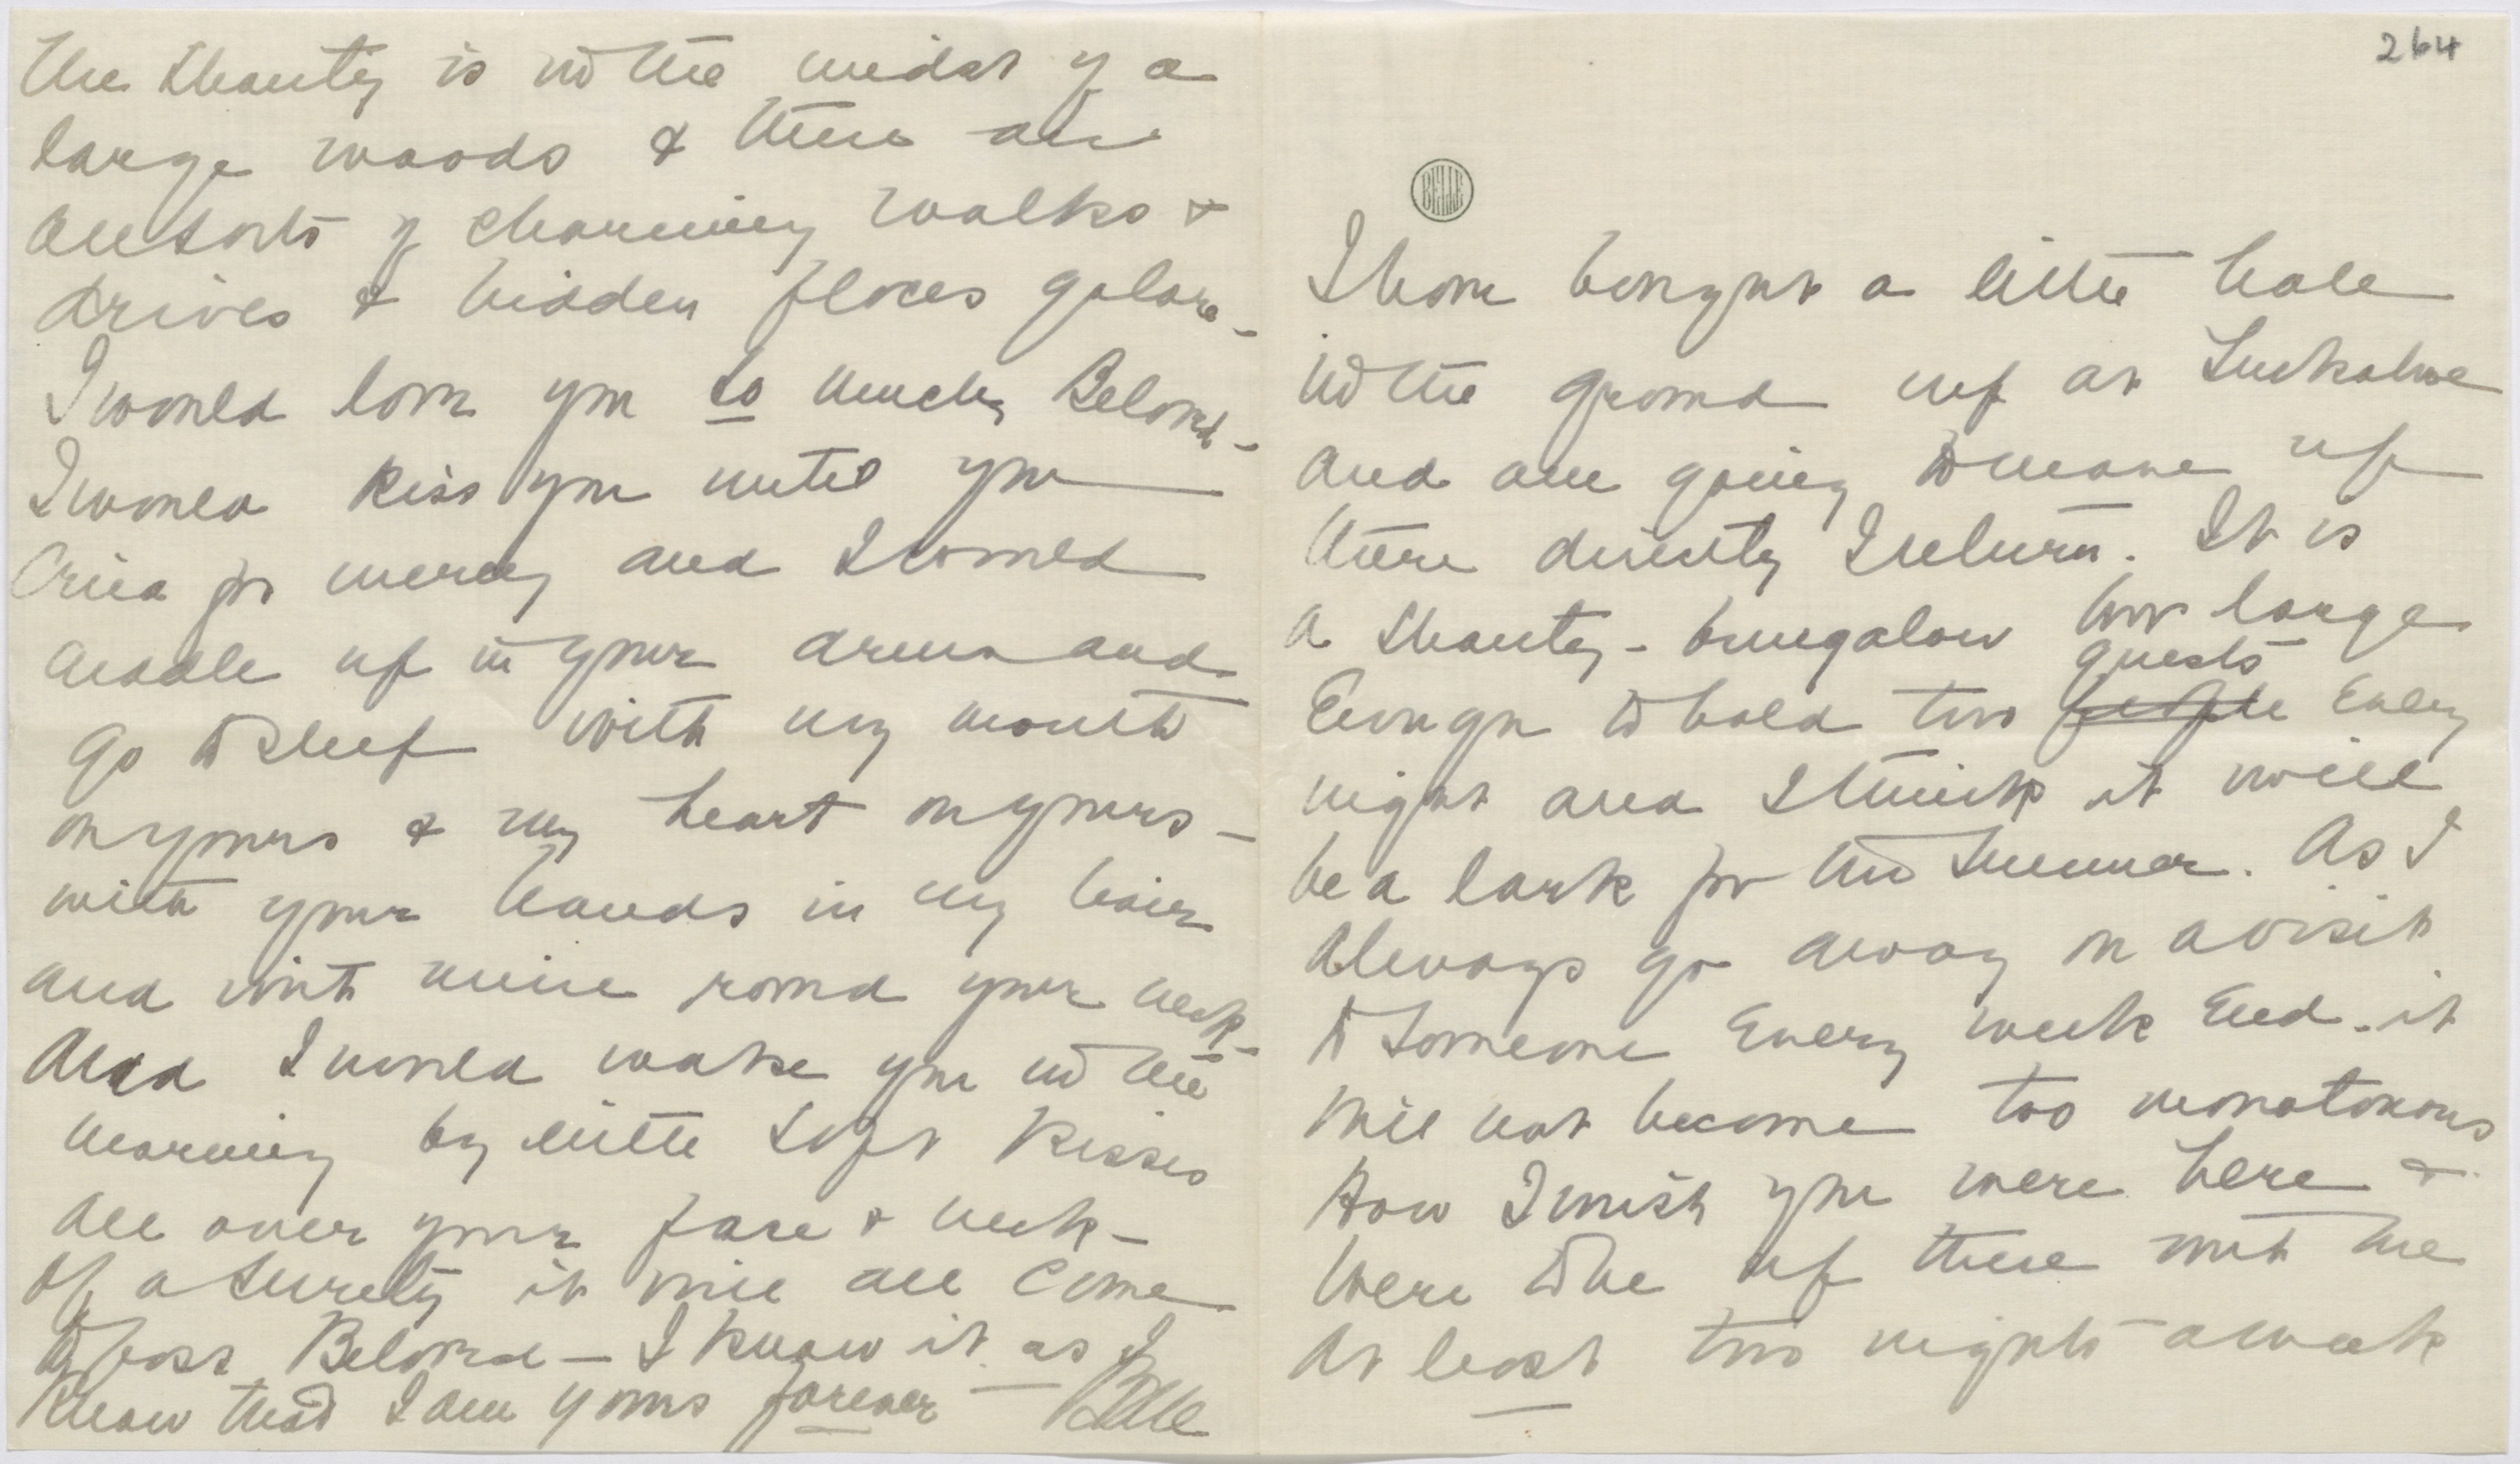I have bought a little hole in the ground up at Tuckahoe and am going to move up there directly I return. It is a shanty-bungalow but large enough to hold two people [^guests^] every night and I think it will be a lark for the summer. As I always go away on a visit to someone every week end, it will not become too monotonous
How I wish you were here & were to be up there with me at least two nights a week
The shanty is in the midst of a large woods & there are all sorts of charming walks & drives & hidden places galore – I would love you so much Beloved – I would kiss you until you cried for mercy and I could cuddle up in your arms and go to sleep with my mouth on yours & my heart on yours – with your hands in my hair and with mine round your neck – And I would wake you in the morning by little soft kisses all over your face & neck – of a surety it will all come to pass Beloved – I know it as I know that I am yours forever – Belle